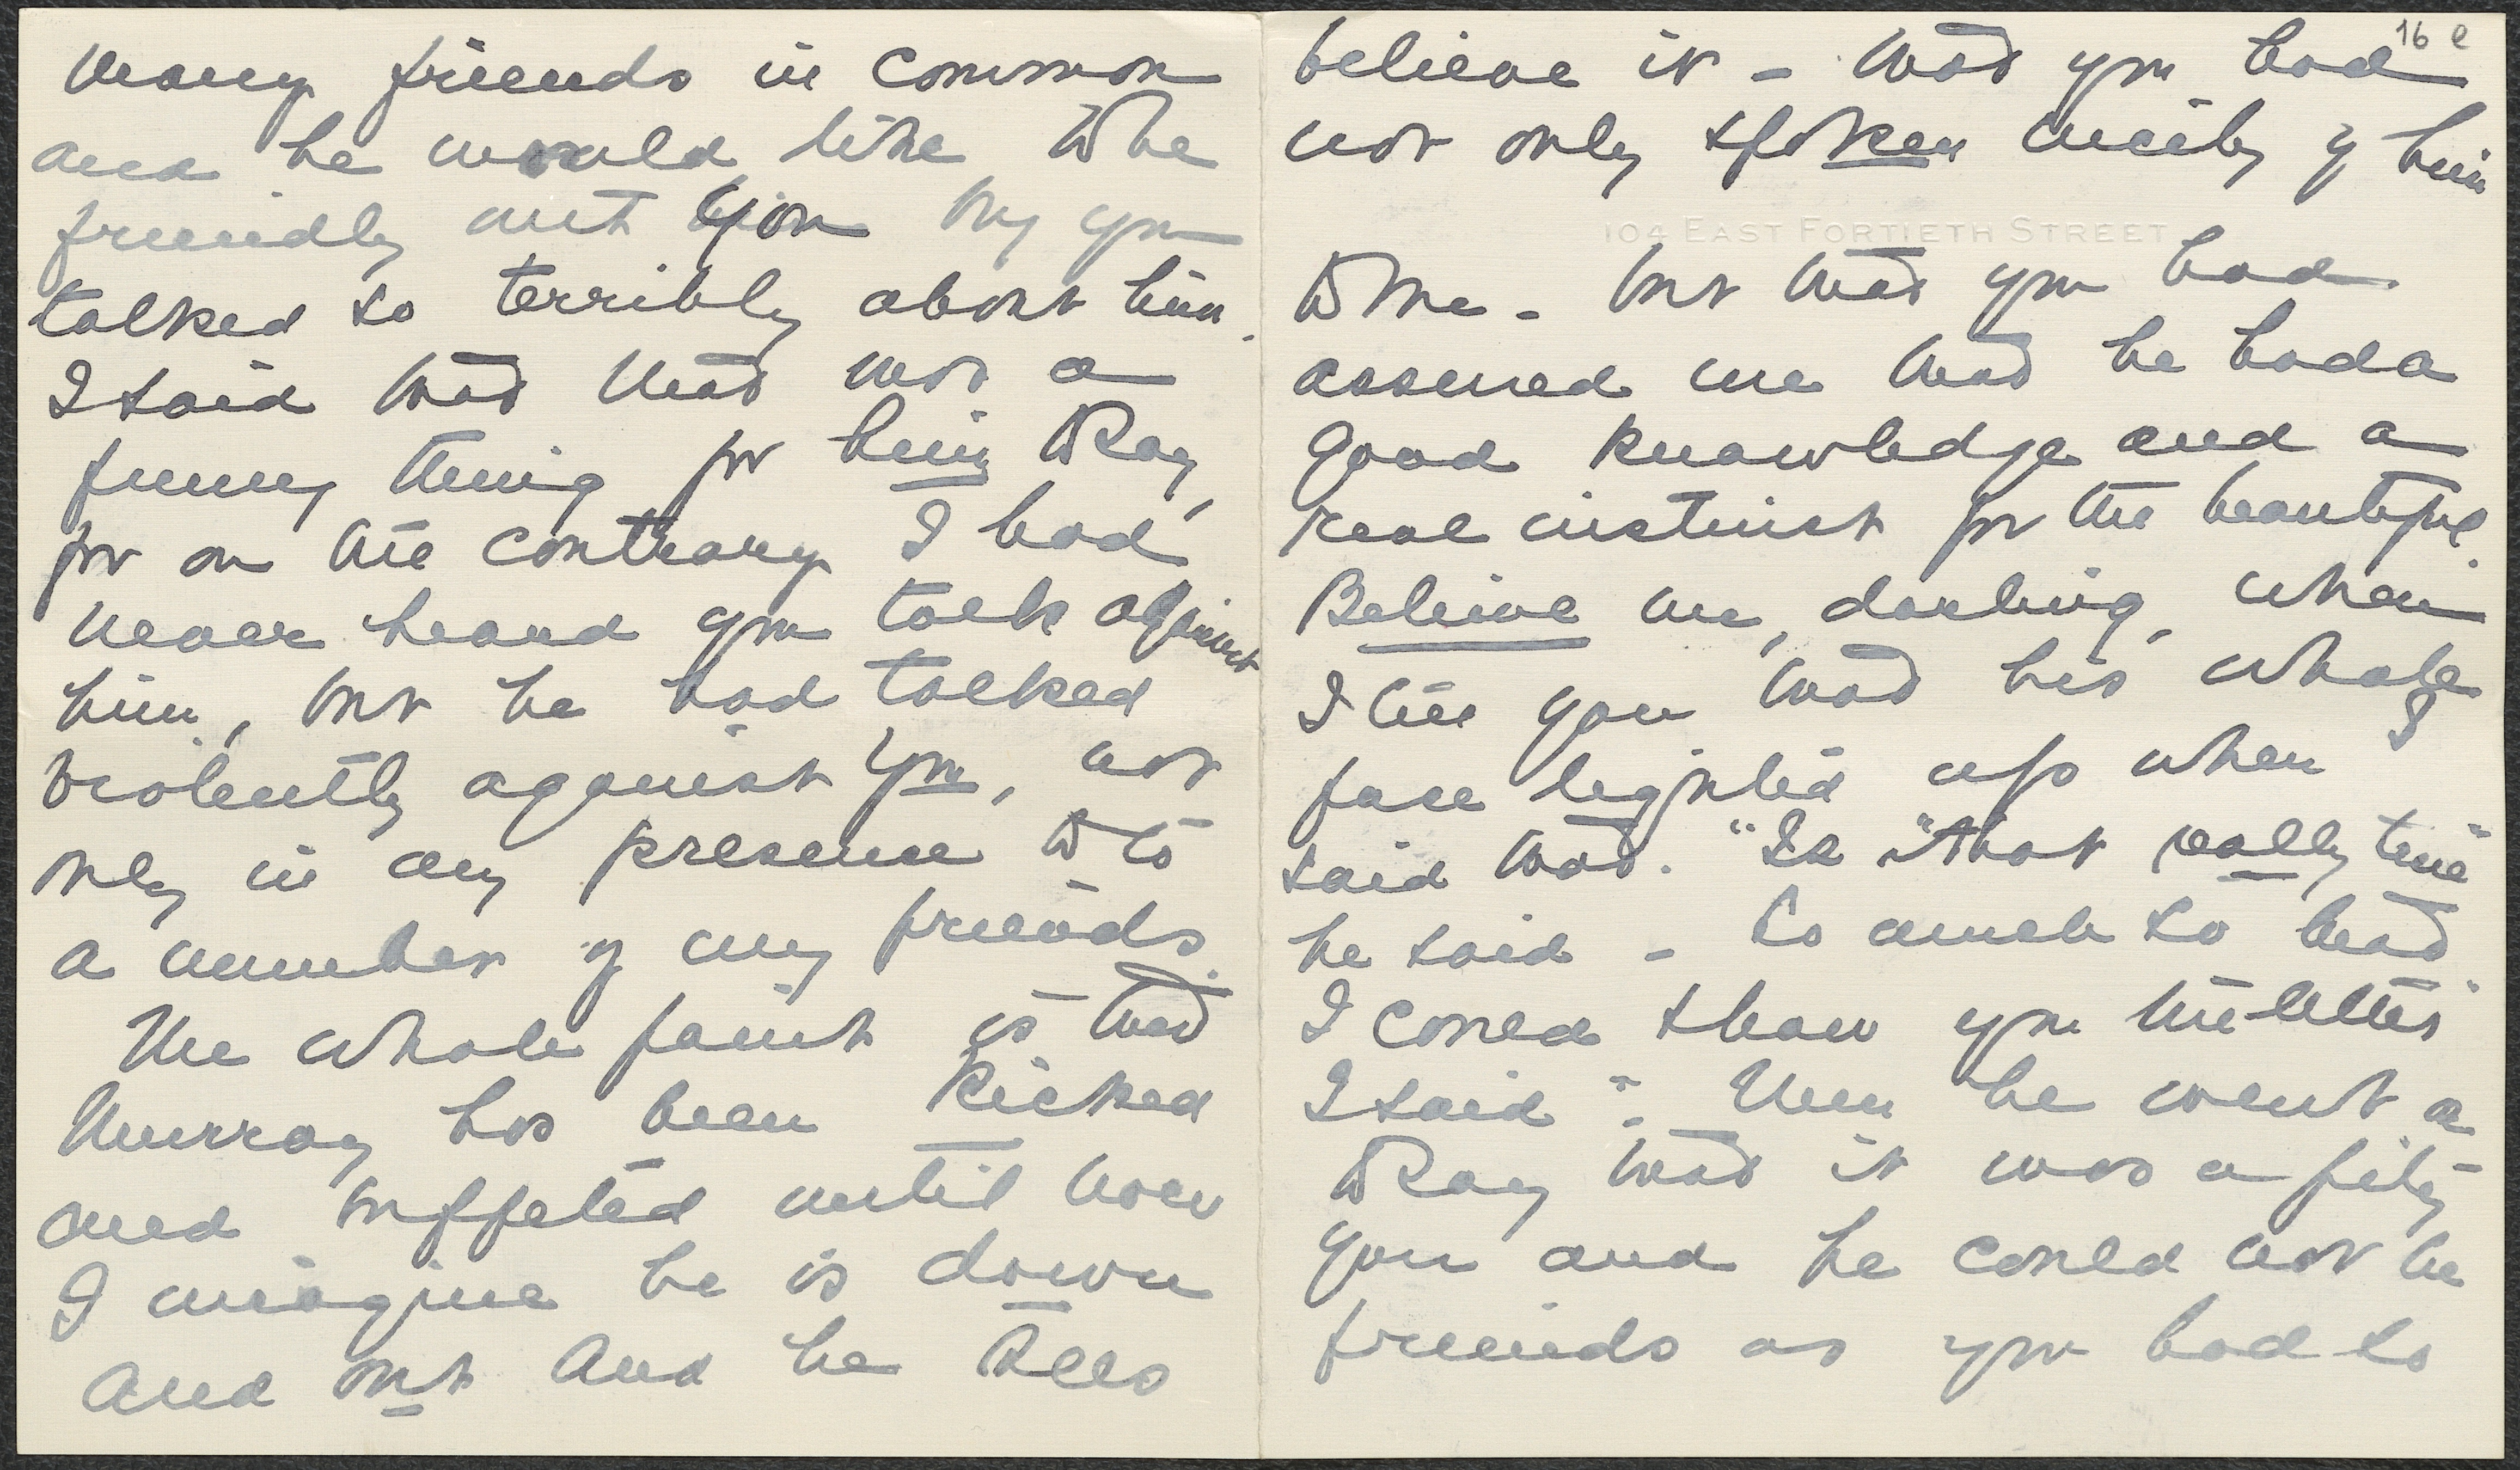believe it – that you had not only spoken nicely of him to me – but that you had assured me that he had a good knowledge and a real instinct for the beautiful. Believe me, darling, when I tell you that his whole face lighted up when I said that. "Is that really true" he said – So much so that I could show you the letter" I said "– Then he went on to say that it was a pity you and he could not be friends as you had so
many friends in common and he would like to be friendly with you but you talked so terribly about him. I said that that was a funny thing for him to say, for on the contrary I had never heard you talk against him, but he had talked violently against you, not only in my presence so to a number of my friends.
The whole point is that Murray has been Ricked and buffeted until now I imagine he is down and out and he sees